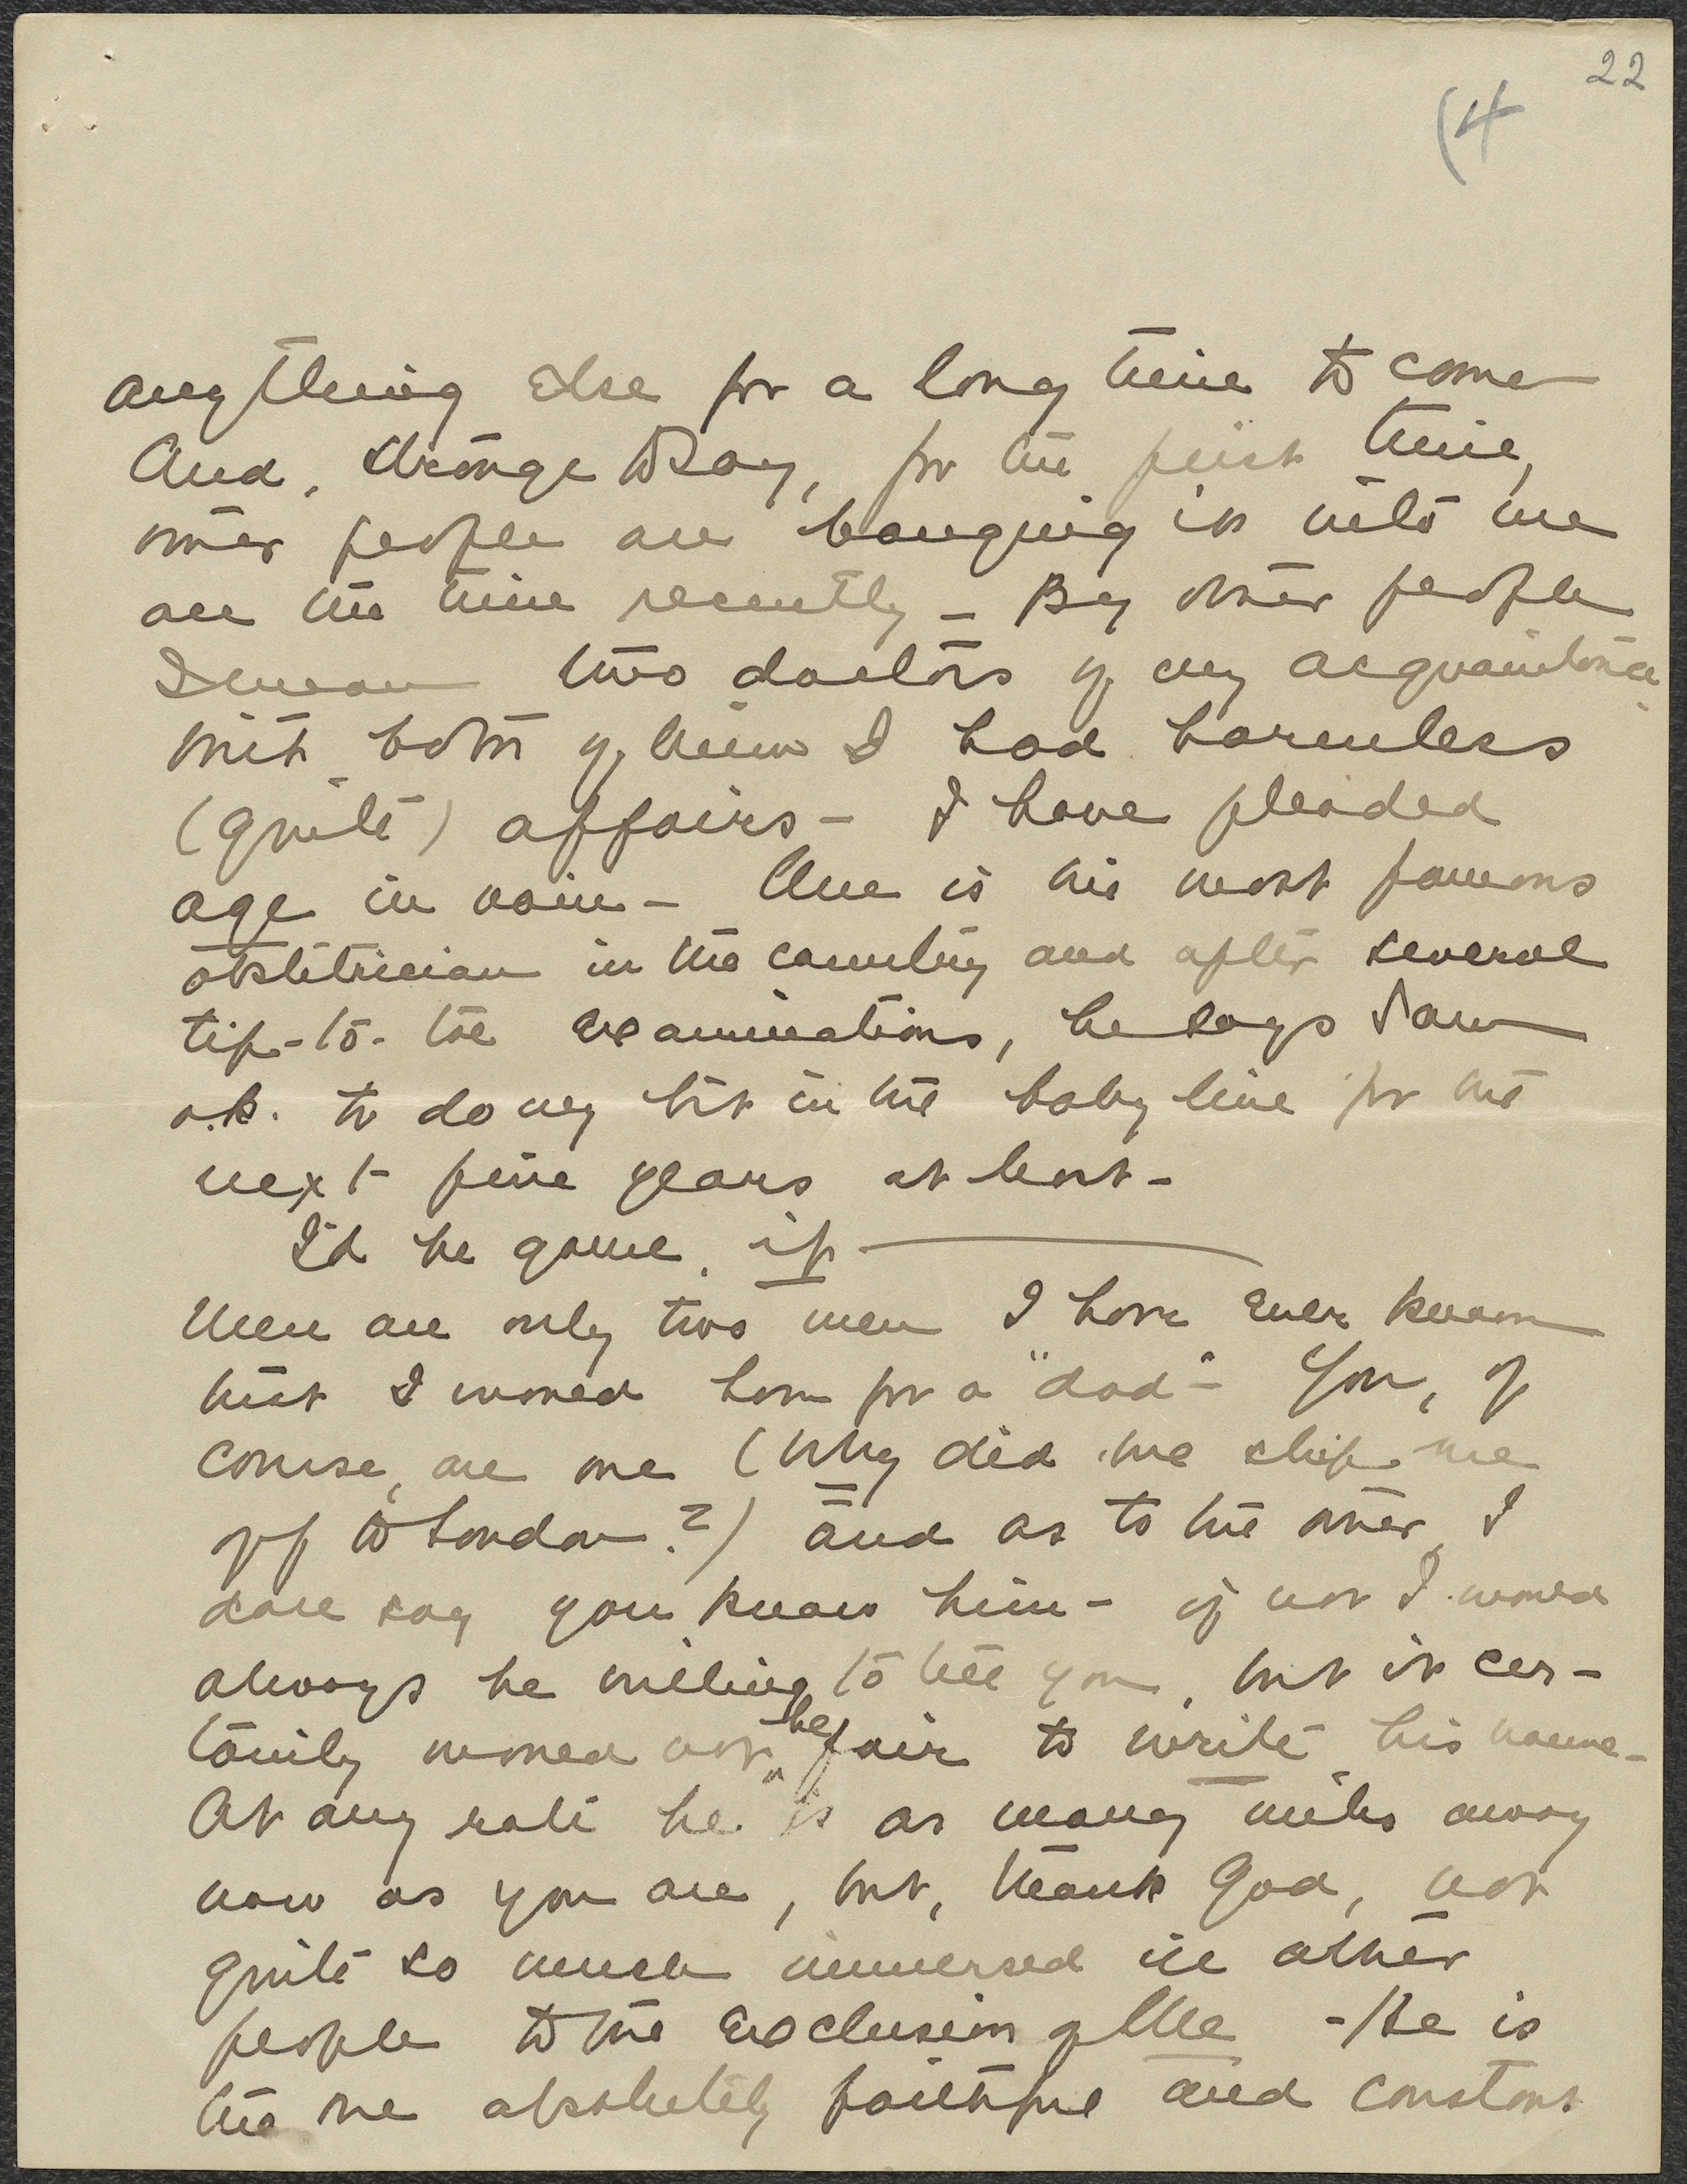anything else for a long time to come – And, strange to say, for the first time, other people are banging it into me all the time recently – By other people I mean two doctors of my acquaintance with both of them I had harmless (quite) affairs – I have pleaded age in vain – There is this most famous obstitrician [sic] in the country and after several tip-to-toe examinations, he says I am o.k. to do my bit in the baby line for the next five years at least –
I'd be game, if [line inserted]
There are only two men I have ever known that I would have for a "dad" – You, of course, are one ([double-underlined] why] did we ship me off to London?) and as to the other, I dare say you know him – if not I would always be willing to tell you. but it certainly would not [^be^] fair to write his name – at any rate he is as many miles away now as you are, but, thank God, not quite so much immersed in other people to the exclusion of me – He is the one absolutely faithful and constant